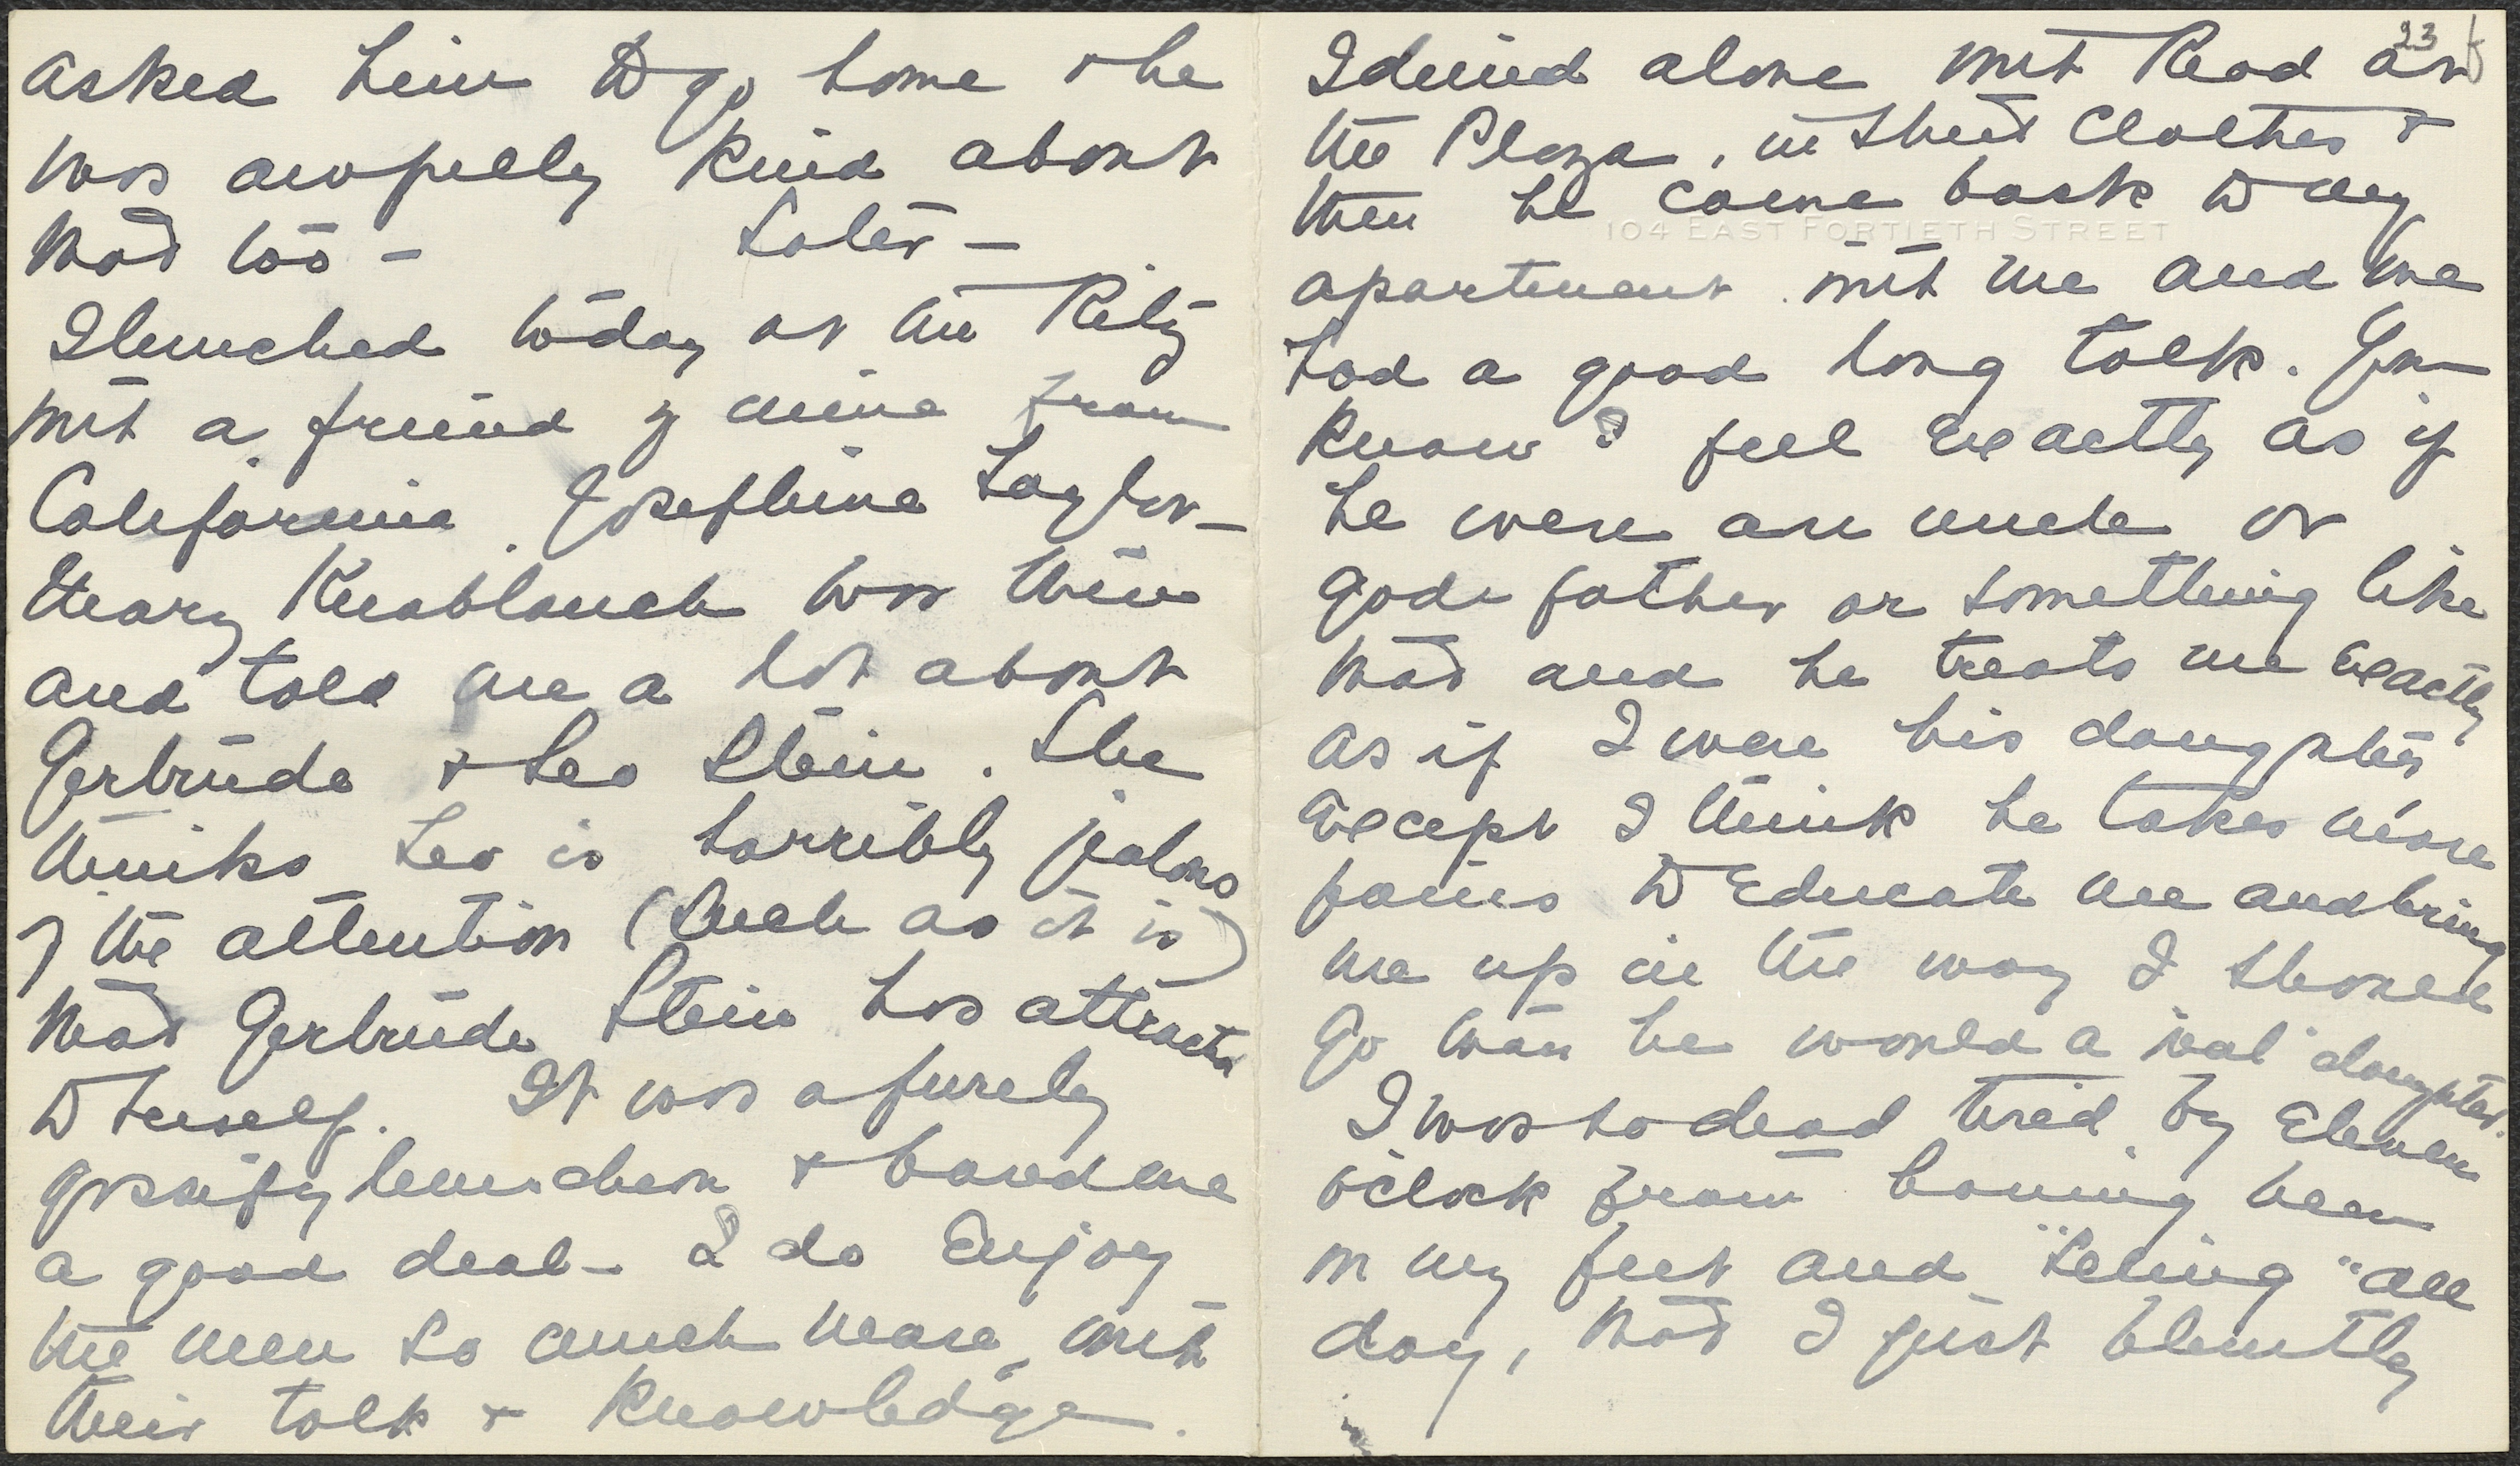I dined alone with Read at the Plaza, in street clothes & then he came back to my apartment with me and we had a good long talk. You know I feel exactly as if he were an uncle or god-father or something like that and he treats me exactly as if I were his daughter, except I think he takes more pains to educate me and bring me up in the way I should go than he would a "real" daughter.
I was so dead tired by eleven o'clock from having been on my feet and "seeing" all day, that I just bluntly
asked him to go home & he was awfully kind about that too –
Later – I lunched today at the Ritz with a friend of mine from California Josephine Taylor – Mary Knablauch was there and told me a lot about Gertrude & Leo Stein. She thinks Leo is horribly jealous of the attention (such as it is) that Gertrude Stein has attracted to herself. It was a purely gossipy luncheon & bored me a good deal – I do enjoy the men so much more, with their talk & knowledge.